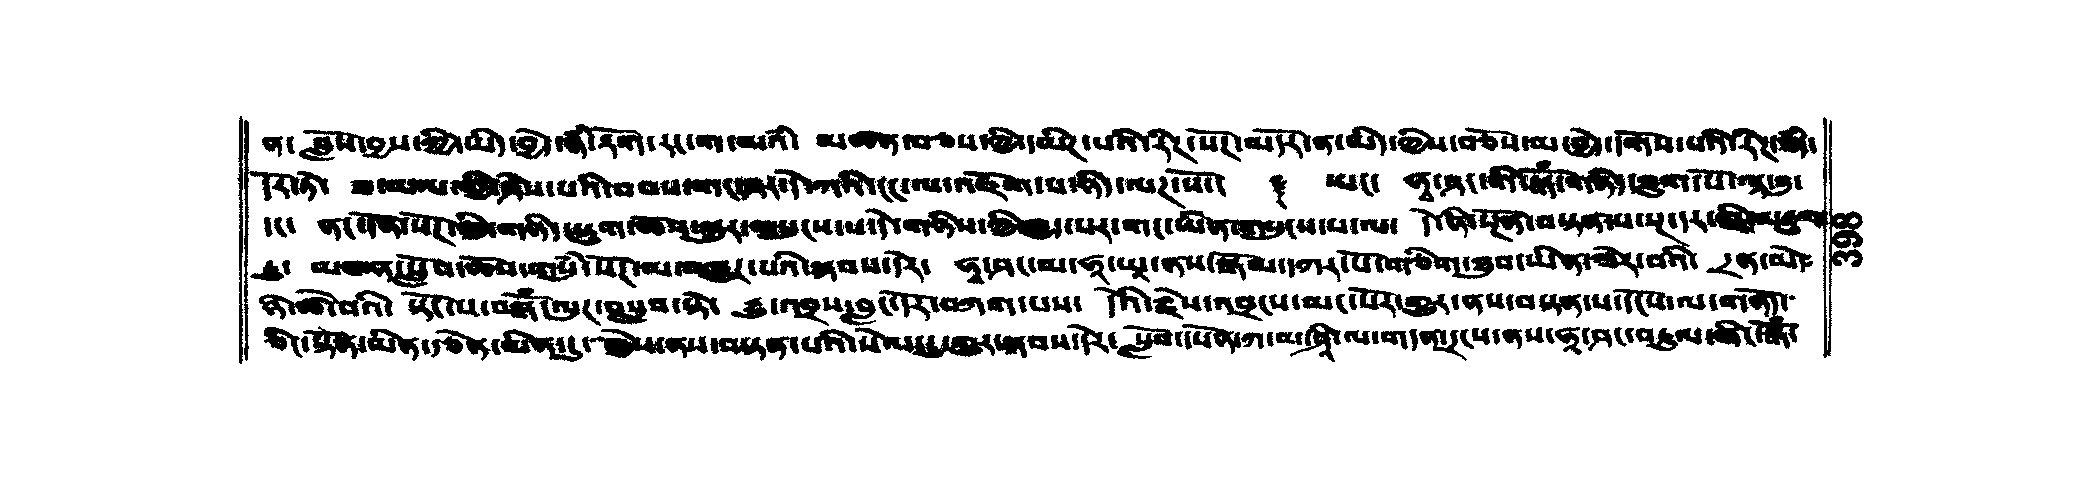ན། བློས་བྱས་ཀྱི་ཡིད་བྱེད་རྣམ་རྟོག་རང་ག་མའམ། མཚན་བཅས་ཀྱི་དམིགས་པའི་རིགས་སོགས་མདོར་ན་ཡིད་ཀྱིས་བཅོས་མ་བྱེད་དགོས་པའི་རིགས་ཐམས་ཅད་
དོར་ཏེ། ཐ་མལ་གྱི་ཤེས་པའི་བབས་གང་ཤར་དེ་ཀའི་ངང་ལ་འཇོག་པ་ཉིད་ལགས་སོ། ཡང་། ཧྭ་ཤང་གི་སྒོམ་གཉིད་ཐུག་པོ་ལྟ་བུ་
དང་། ནང་དོན་སོགས་ཀྱི་གཉིད་སྟུག་ཆོས་སྐུར་གསུངས་པ་དེ་གཉིས་ཀྱི་ཁྱད་པར་གང་ཡིན་གསུངས་པ་ལ། དེ་ནི་སྔོན་བསྟན་པ་སྔ་དར་གྱི་འཇུག་
ཏུ། མཁན་སློབ་ཆོས་གསུམ་སོགས་མ་བཞུགས་པའི་སྐབས་དེར། ཧྭ་ཤང་མ་ཧཱ་ཡཱ་ནས་སྒོམ་དཀར་པོ་གཅིག་ཐུབ་ཡིན་ཟེར་བའི། དྲན་མེད་
ཉི་ཚེ་བའི་ སྟོང་པ་བསྒོམ་ལུགས་བསླབ་སྟེ། རྒྱུ་འབྲས་བླང་དོར་བཀག་པས། དེའི་རྗེས་འབྲང་མང་པོར་གྱུར་ནས་བསྟན་པ་དངོས་ལ་གནོད་
ཅིང་སྟོན་མིན་རྩེན་མིན་དུ་གྱེས་ནས་བསྟན་པའི་སེལ་དུ་གྱུར་སྐབས་དེར། སློབ་དཔོན་ཀ་མ་ཤཱི་ལ་གདན་དྲངས་ནས་ཧཱ་ཤང་བཏུལ་ཞིང་སྒོམ་